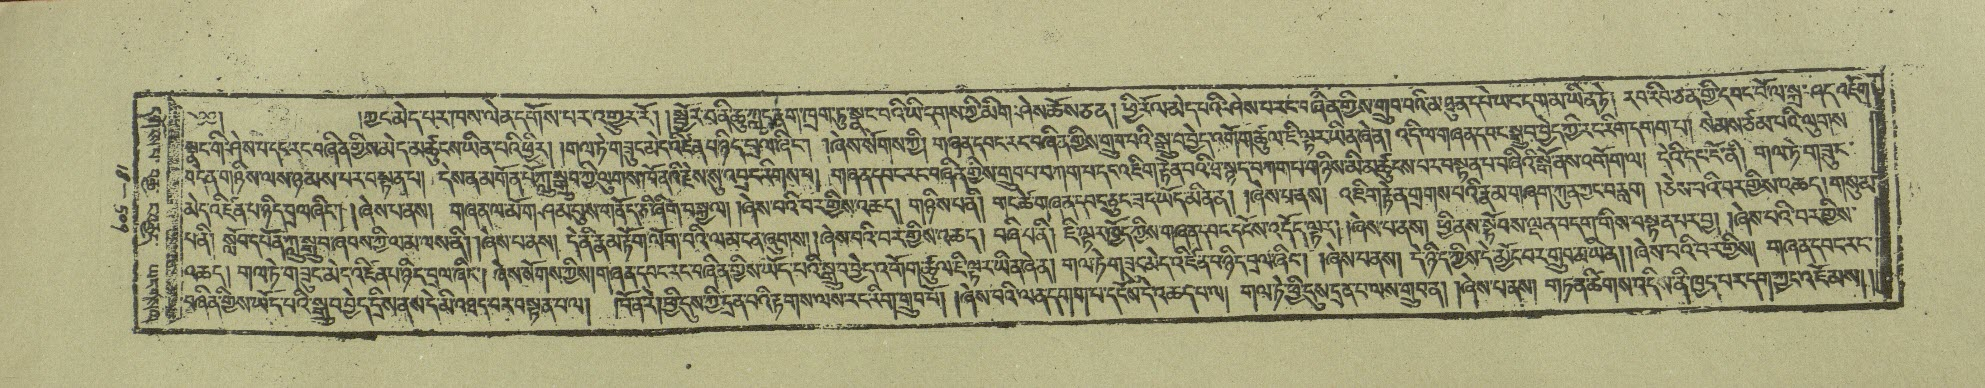༄༅། །ཀྱང་མེད་པར་ཁས་ལེན་དགོས་པར་འགྱུར་རོ། །སྦྱོར་བ་ནི་ཆུ་ཀླུང་རྣག་ཁྲག་ཏུ་སྣང་བའི་ཡི་དྭགས་ཀྱི་མིག་ཤེས་ཆོས་ཅན། ཕྱི་རོལ་མེད་པའི་ཤེས་པ་རང་བཞིན་གྱིས་གྲུབ་པའི་མཐུན་དཔེ་ཡང་དག་མ་ཡིན་ཏེ། རབ་རིབ་ཅན་གྱི་དབང་པོ་ལ་སྐྲ་ཤད་འཛག་
སྣང་གི་ཤེས་པ་དང་རང་བཞིན་གྱིས་མེད་མཚུངས་ཡིན་པའི་ཕྱིར། །གལ་ཏེ་གཟུང་མེད་འཛིན་པ་ཉིད་བྲལ་ཞིང་། །ཞེས་སོགས་ཀྱི། གཞན་དབང་རང་བཞིན་གྱིས་གྲུབ་པའི་སྒྲུབ་བྱེད་འགོག་ཚུལ་ཇི་ལྟར་ཡིན་ཞེ་ན། འདི་ལ་གཞན་དབང་སྒྲུབ་བྱེད་ཀྱི་རང་རིག་དགག་པ། སེམས་ཙམ་པའི་ལུགས་
བདེན་གཉིས་ལས་ཉམས་པར་བསྟན་པ། དེས་ན་མགོན་པོ་ཀླུ་སྒྲུབ་ཀྱི་ལུགས་ཁོ་ནའི་རྗེས་སུ་འབྲང་རིགས་པ། གཞན་དབང་རང་བཞིན་གྱིས་གྲུབ་པ་བཀག་པ་དང་འཇིག་རྟེན་པའི་ཐ་སྙད་བཀག་པ་གཉིས་མི་མཚུངས་པར་བསྟན་པ་བཞིའི་སྒོ་ནས་འགོག་ལ། དེའི་དང་པོ་ནི། གལ་ཏེ་གཟུང་
མེད་འཛིན་པ་ཉིད་བྲལ་ཞིང་། །ཞེས་པ་ནས། གཞན་ལ་མོ་གཤམ་བུས་གནོད་ཅི་ཞིག་བསྐྱལ། །ཞེས་པའི་བར་གྱིས་འཆད། གཉིས་པ་ནི། གང་ཚེ་གཞན་དབང་ཅུང་ཟད་ཡོད་མིན་ན། ཞེས་པ་ནས། འཇིག་རྟེན་གྲགས་པའི་རྣམ་གཞག་ཀུན་ཀྱང་བརླབ། །ཅེས་པའི་བར་གྱིས་འཆད། གསུམ་
པ་ནི། སློབ་དཔོན་ཀླུ་སྒྲུབ་ཞབས་ཀྱི་ལམ་ལས་ནི། །ཞེས་པ་ནས། དེ་ནི་རྣམ་རྟོག་ལོག་པའི་ལམ་ངན་ཞུགས། །ཞེས་པའི་བར་གྱིས་འཆད། བཞི་པ་ནི། ཇི་ལྟར་ཁྱོད་ཀྱིས་གཞན་དབང་དངོས་འདོད་ལྟར། །ཞེས་པ་ནས། ཕྱི་ནས་སྟོབས་ལྡན་བདག་གིས་བསྟན་པར་བྱ། །ཞེས་པའི་བར་གྱིས་
འཆད། གལ་ཏེ་གཟུང་མེད་འཛིན་པ་ཉིད་བྲལ་ཞིང་། ཞེས་སོགས་ཀྱིས། གཞན་དབང་རང་བཞིན་གྱིས་ཡོད་པའི་སྒྲུབ་བྱེད་འགོག་ཚུལ་ཇི་ལྟར་ཡིན་ཞེ་ན། གལ་ཏེ་གཟུང་མེད་འཛིན་པ་ཉིད་བྲལ་ཞིང་། །ཞེས་པ་ནས། དེ་ཉིད་ཀྱིས་དེ་མྱོང་བར་གྲུབ་མ་ཡིན། །ཞེས་པའི་བར་གྱིས། གཞན་དབང་རང་
བཞིན་གྱིས་ཡོད་པའི་སྒྲུབ་བྱེད་དྲིས་ནས་དེ་མི་འཐད་པར་བསྟན་པ་ལ། ཁོ་ན་རེ། ཕྱི་དུས་ཀྱི་དྲན་པའི་རྟགས་ལས་རང་རིག་གྲུབ་བོ། །ཞེས་པའི་ལན་དགག་པ་དངོས་དེ་འཆད་པ་ལ། གལ་ཏེ་ཕྱི་དུས་དྲན་པ་ལས་གྲུབ་ན། །ཞེས་པ་ནས། གཏན་ཚིགས་འདིས་ནི་ཁྱད་པར་དག་ཀྱང་འཇོམས། །